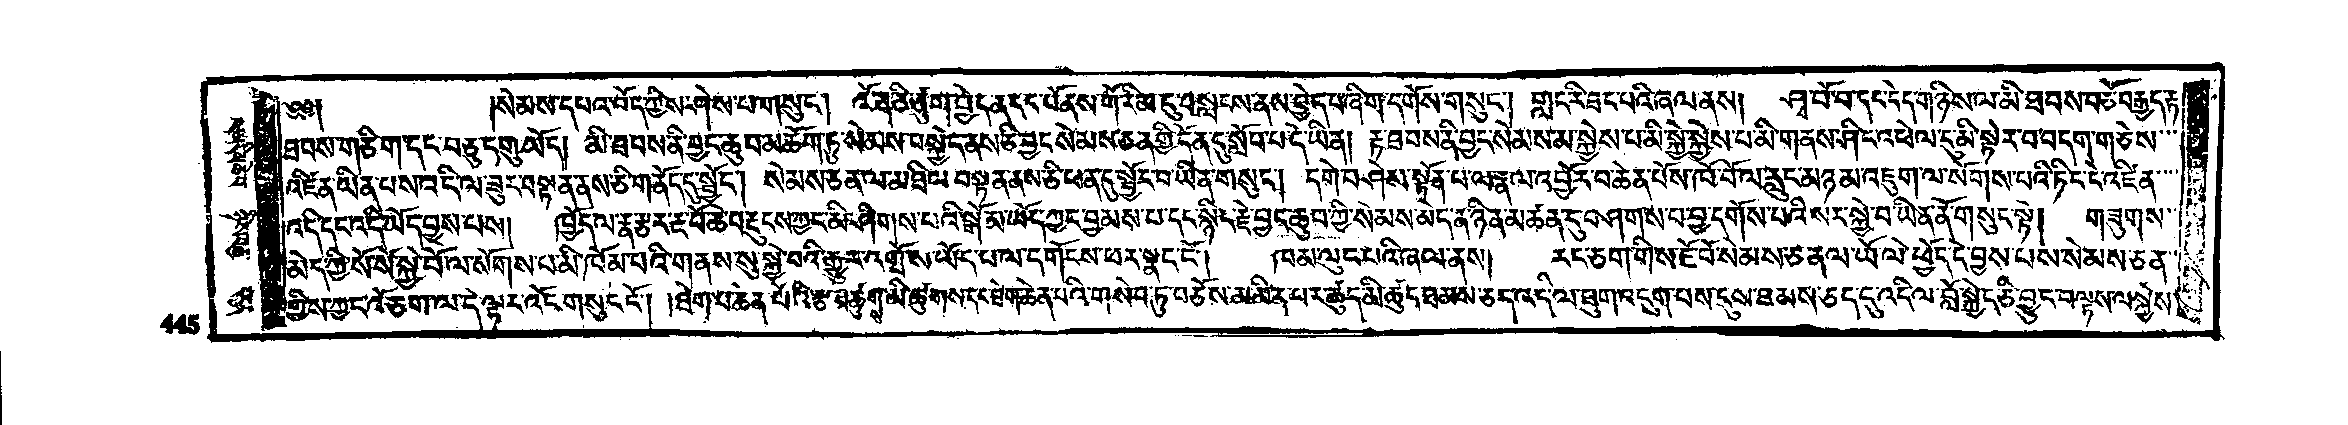༄༅། །སེམས་དཔའ་བོད་ཀྱིས་ཤེས་པ་གསུང་། འོ་ན་ཅི་ཙུག་བྱེད་ན་དང་པོ་ནས་གོ་རིམ་དུ་བསླབས་ནས་བྱེད་པ་ཞིག་དགོས་གསུང་། གླང་རི་ཐང་པའི་ཞལ་ནས། ཤྭ་བོ་བ་དང་ངེད་གཉིས་ལ་མི་ཐབས་བཅོ་བརྒྱད་རྟ་
ཐབས་གཅིག་དང་བཅུ་དགུ་ཡོད། མི་ཐབས་ནི་བྱང་ཆུབ་མཆོག་ཏུ་སེམས་བསྐྱེད་ནས་ཅི་བྱེད་སེམས་ཅན་གྱི་དོན་དུ་སློབ་པ་དེ་ཡིན། རྟ་ཐབས་ནི་བྱང་སེམས་མ་སྐྱེས་པ་མི་སྐྱེ་སྐྱེས་པ་མི་གནས་ཤིང་འཕེལ་དུ་མི་སྟེར་བ་བདག་གཅེས་
འཛིན་ཡིན་པས་འདི་ལ་ཟུར་བསྟན་ནས་ཅི་གནོད་དུ་སྦྱོང་། སེམས་ཅན་ལ་མཐིལ་བསྟན་ནས་ཅི་ཕན་དུ་སྦྱོང་བ་ཡིན་གསུང་། དགེ་བཤེས་སྟོན་པ་ལ་རྣལ་འབྱོར་པ་ཆེན་པོས་ཁོ་བོ་ལ་རླུང་མཉམ་འཇུག་ལ་སོགས་པའི་ཏིང་ངེ་འཛིན་
འདི་དང་འདི་ཡོད་བྱས་པས། ཁྱོད་ལ་རྣ་རྩར་རྔ་པོ་ཆེ་བརྡུངས་ཀྱང་མི་ཤིགས་པའི་སྒོམ་ཡོད་ཀྱང་བྱམས་པ་དང་སྙིང་རྗེ་བྱང་ཆུབ་ཀྱི་སེམས་མེད་ན་ཉིན་མཚན་དུ་བཤགས་པ་བྱ་དགོས་པའི་སར་སྐྱེ་བ་ཡིན་ནོ་གསུང་སྟེ། གཟུགས་
མེད་ཀྱི་སོ་སོ་སྐྱེ་བོ་ལ་སོགས་པ་མི་ཁོམ་པའི་གནས་སུ་སྐྱེ་བའི་རྒྱུར་འགྲོ་ས་ཡོད་པ་ལ་དགོངས་པར་སྣང་ངོ། །ཁམ་ལུང་པའི་ཞལ་ནས། རང་ཅག་གིས་ཇོ་བོ་སེམས་ཅན་ལ་ཡོ་ལེ་ཕྱོད་དེ་བྱས་པས་སེམས་ཅན་
གྱིས་ཀྱང་འོ་ཅག་ལ་དེ་ལྟར་འོང་གསུང་ངོ། །ཐེག་པ་ཆེན་པོའི་རྩ་བ་ཚུགས་མི་ཚུགས་དང་ཐེག་ཆེན་པའི་གསེབ་ཏུ་བཅོས་མ་མིན་པར་ཚུད་ཐམས་ཅད་འདི་ལ་ཐུག་འདུག་པས་དུས་ཐམས་ཅད་དུ་འདི་ལ་བློ་སྐྱེད་ཅི་བྱུང་བལྟས་ལ་སྐྱེས་